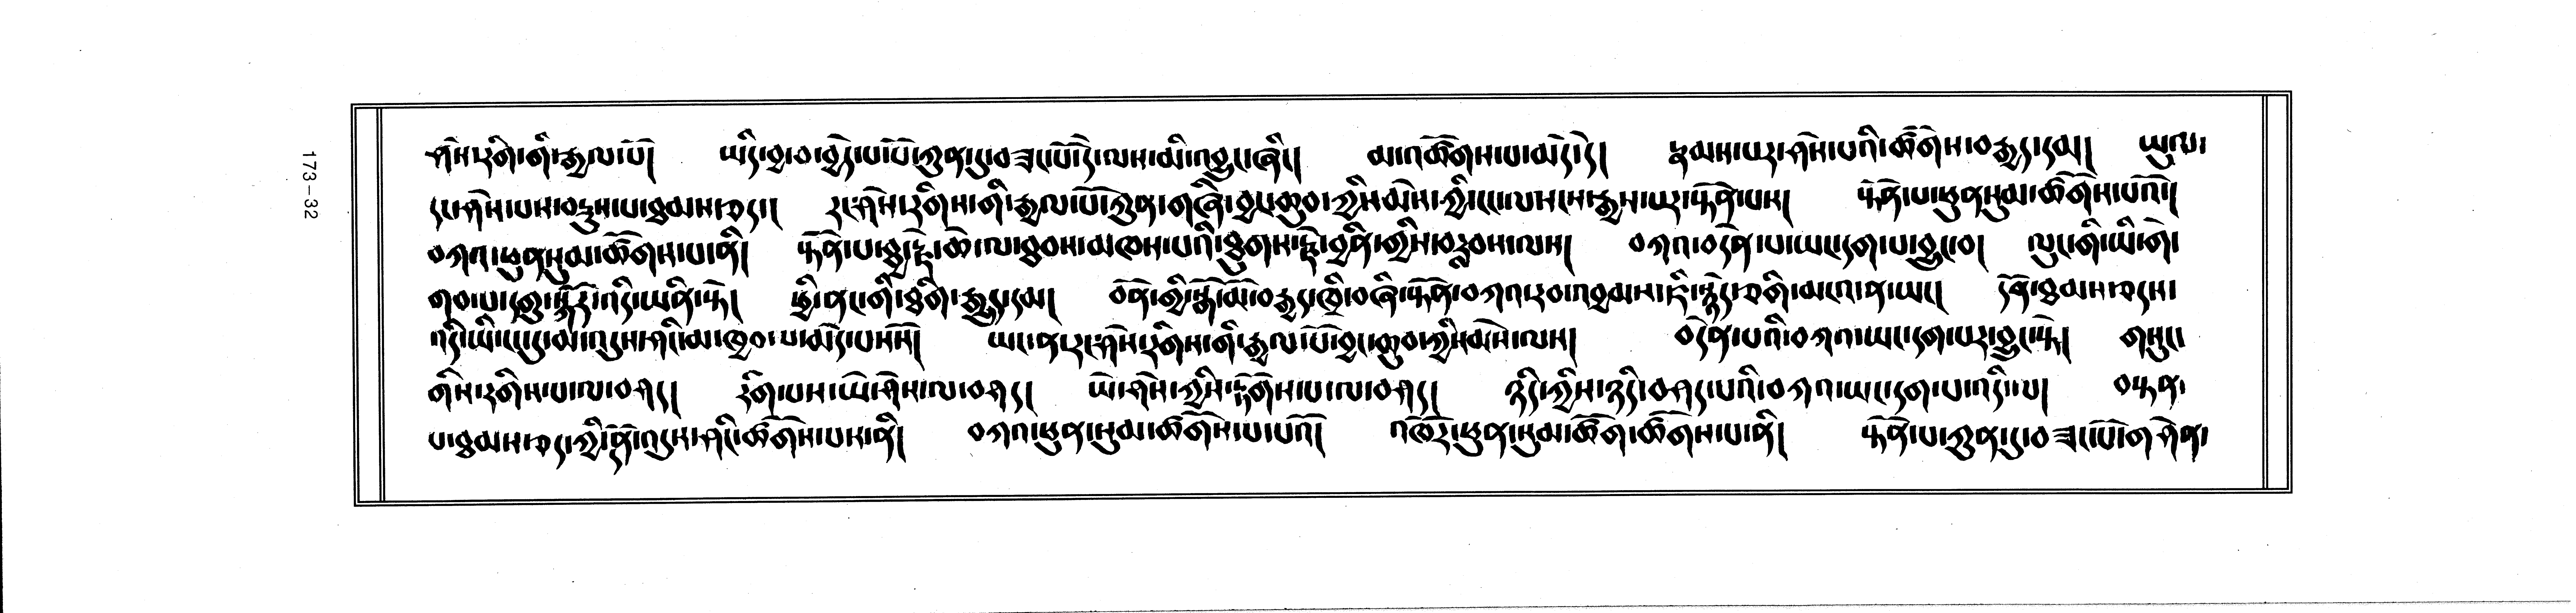རང་ཤེས་རིག་གི་རྒྱལ་པོ། ཡིད་བྱ་བ་བྱེད་པ་ཀུན་ཏུ་བཟང་པོ་དེ་ལས་མི་འབྱུང་ཞིང་། མ་འཚོགས་པ་མེད་དེ། རྣམ་པར་ཤེས་པའི་ཚོགས་བརྒྱད་དམ། ཡུལ་
དང་ཤེས་པས་བསྡུས་པ་ཐམས་ཅད། རང་ཤེས་རིག་གི་རྒྱལ་པོ་ཀུན་གཞི་བྱང་ཆུབ་ཀྱི་སེམས་ཀྱི་ངང་ལ་སངས་རྒྱས་པར་སྟོན་པས། སྟོན་པ་ཕུན་སུམ་ཚོགས་པའོ། །
བཀའ་ཕུན་སུམ་ཚོགས་པ་ནི། སྟོན་པ་ཐུགས་རྗེ་ཆེ་ལ་ཐབས་མཁས་པའི་ཐུགས་རྗེ་བྱིན་གྱིས་བརླབས་ལས། བཀའ་བདེན་པ་ཡང་དག་པ་བྱུང་བ། ལུང་གི་ཡི་གེ་
གབ་པ་དགུ་སྐོར་འདི་ཡིན་ཏེ། ཕྱི་ནང་གི་ཐིག་རྒྱུད་དམ། བོན་གྱི་སྒོ་མོ་བརྒྱད་ཁྲི་བཞི་སྟོང་བཀའ་རབ་འབྱམས་ཇི་སྙེད་ཅིག་མངའ་ན་ཡང་། དོན་ཐམས་ཅད་
འདི་ཡི་ངང་དུ་མ་འདུས་ཤིང་མ་ཁྱབ་པ་མེད་པས་སོ། །ཡང་ན་རང་ཤེས་རིག་གི་རྒྱལ་པོ་བྱང་ཆུབ་ཀྱི་སེམས་ལས། བདེན་པའི་བཀའ་ལས་ཡང་དག་པར་བྱུང་སྟེ། གསུང་
གིས་རིག་པ་ལ་བཤད། རིག་པས་ཡེ་ཤེས་ལ་བཤད། ཡེ་ཤེས་ཀྱིས་རྟོགས་པ་ལ་བཤད། ཉིད་ཀྱིས་ཉིད་བཤད་པའི་བཀའ་ཡང་དག་པ་འདི་ལ། བསྟན་
པ་ཐམས་ཅད་ཀྱི་དོན་འདུས་ཤིང་འཚོགས་པས་ནི། བཀའ་ཕུན་སུམ་ཚོགས་པའོ། །འཁོར་ཕུན་སུམ་ཚོགས་པ་ནི། སྟོན་པ་ཀུན་ཏུ་བཟང་པོ་གཤེན་